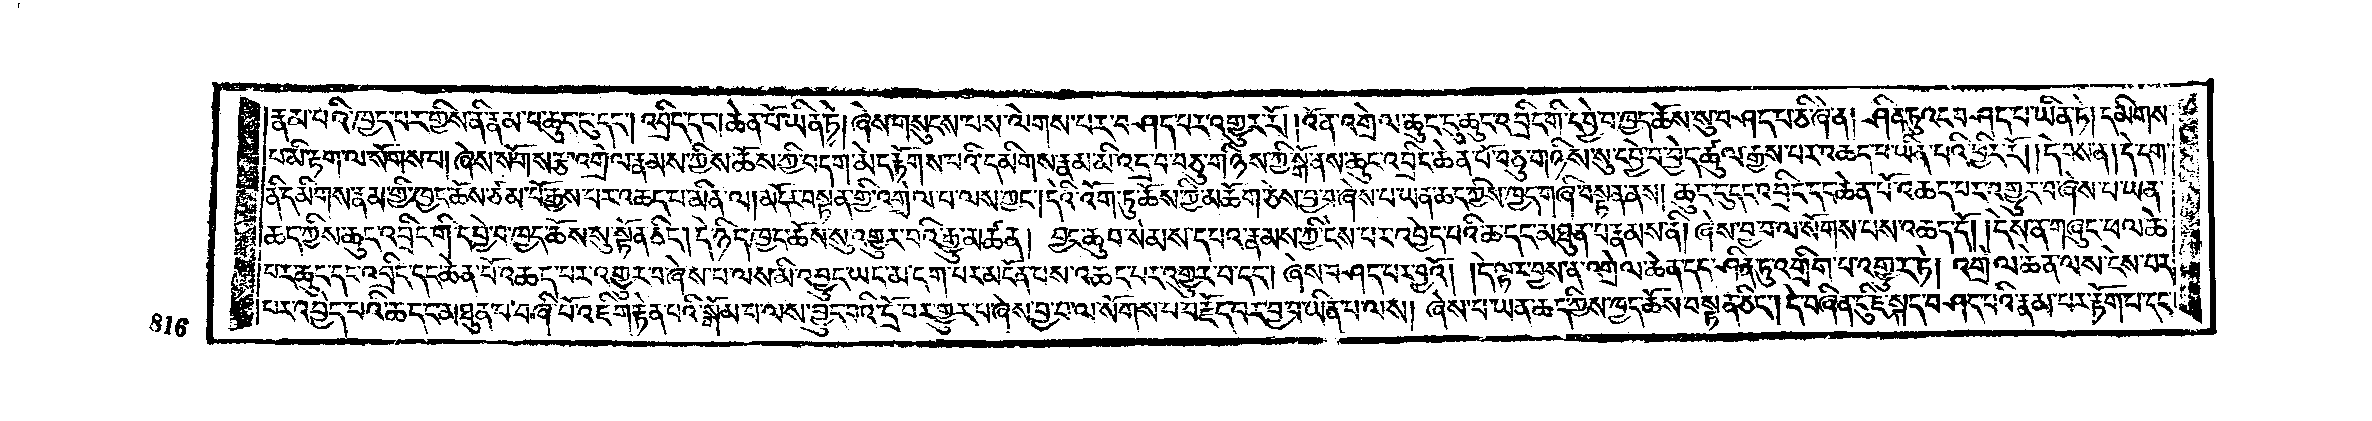རྣམ་པའི་ཁྱད་པར་གྱིས་ནི་རྣམ་པ་ཆུང་ངུ་དང་། འབྲིང་དང་། ཆེན་པོ་ཡིན་ཏེ། ཞེས་གསུངས་པས་ལེགས་པར་བཤད་པར་འགྱུར་རོ། །འོ་ན་འགྲེལ་ཆུང་ངུ་ཆུང་འབྲིང་གི་དབྱེ་བ་ཁྱད་ཆོས་སུ་བཤད་པ་ཅི་ཞེ་ན། ཤིན་ཏུའང་བཤད་པ་ཡིན་ཏེ། དམིགས་
པ་མི་རྟག་ལ་སོགས་པ། ཞེས་སོགས་རྩ་འགྲེལ་རྣམས་ཀྱིས་ཆོས་ཀྱི་བདག་མེད་རྟོགས་པའི་དམིགས་རྣམ་མི་འདྲ་བ་བཅུ་གཉིས་ཀྱི་སྒོ་ནས་ཆུང་འབྲིང་ཆེན་པོ་བཅུ་གཉིས་སུ་དབྱེ་བ་བྱེད་ཚུལ་རྒྱས་པར་འཆད་པ་ཡིན་པའི་ཕྱིར་རོ། །དེ་བས་ན། དེ་དག་
ནི་དམིགས་རྣམ་གྱི་ཁྱད་ཆོས་ཙམ་པོ་རྒྱས་པར་འཆད་པ་མིན་ལ། མདོར་བསྟན་གྱི་འགྲེལ་པ་ལས་ཀྱང་། དེའི་འོག་ཏུ་ཆོས་ཀྱི་མཆོག་ཅེས་བྱ་བ་ཞེས་པ་ཡན་ཆད་ཀྱིས་ཁྱད་གཞི་བསྟན་ནས། ཆུང་ངུ་དང་འབྲིང་དང་ཆེན་པོ་འཆད་པར་འགྱུར་བ་ཞེས་པ་ཡན་
ཆད་ཀྱིས་ཆུང་འབྲིང་གི་དབྱེ་བ་ཁྱད་ཆོས་སུ་སྟོན་ཅིང་། དེ་ཉིད་ཁྱད་ཆོས་སུ་འགྱུར་བའི་རྒྱུ་མཚན། བྱང་ཆུབ་སེམས་དཔའ་རྣམས་ཀྱི་ངེས་པར་འབྱེད་པའི་ཆ་དང་མཐུན་པ་རྣམས་ནི། ཞེས་བྱ་བ་ལ་སོགས་པས་འཆད་དོ། །དེས་ན་གཞུང་ཕལ་ཆེ་
བར་ཆུང་དང་འབྲིང་དང་ཆེན་པོ་འཆད་པར་འགྱུར་བ་ཞེས་པ་ལས་མི་འབྱུང་ཡང་མ་དག་པར་མངོན་པས་འཆད་པར་འགྱུར་བ་དང་། ཞེས་བཤད་པར་བྱའོ། །དེ་ལྟར་བྱས་ན་འགྲེལ་ཆེན་དང་ཤིན་ཏུ་འགྲིག་པ་འགྱུར་ཏེ། འགྲེལ་ཆེན་ལས་ངེས་པར་
པར་འབྱེད་པའི་ཆ་དང་མཐུན་པ་བཞི་པོ་འཇིག་རྟེན་པའི་སྒོམ་པ་ལས་བྱུང་བའི་དྲོ་བར་གྱུར་པ་ཞེས་བྱ་བ་ལ་སོགས་པ་བརྗོད་པར་བྱ་བ་ཡིན་པ་ལས། ཞེས་པ་ཡན་ཆད་ཀྱིས་ཁྱད་ཆོས་བསྟན་ཅིང་། དེ་བཞིན་དུ་ཇི་སྐད་བཤད་པའི་རྣམ་པར་རྟོག་པ་དང་